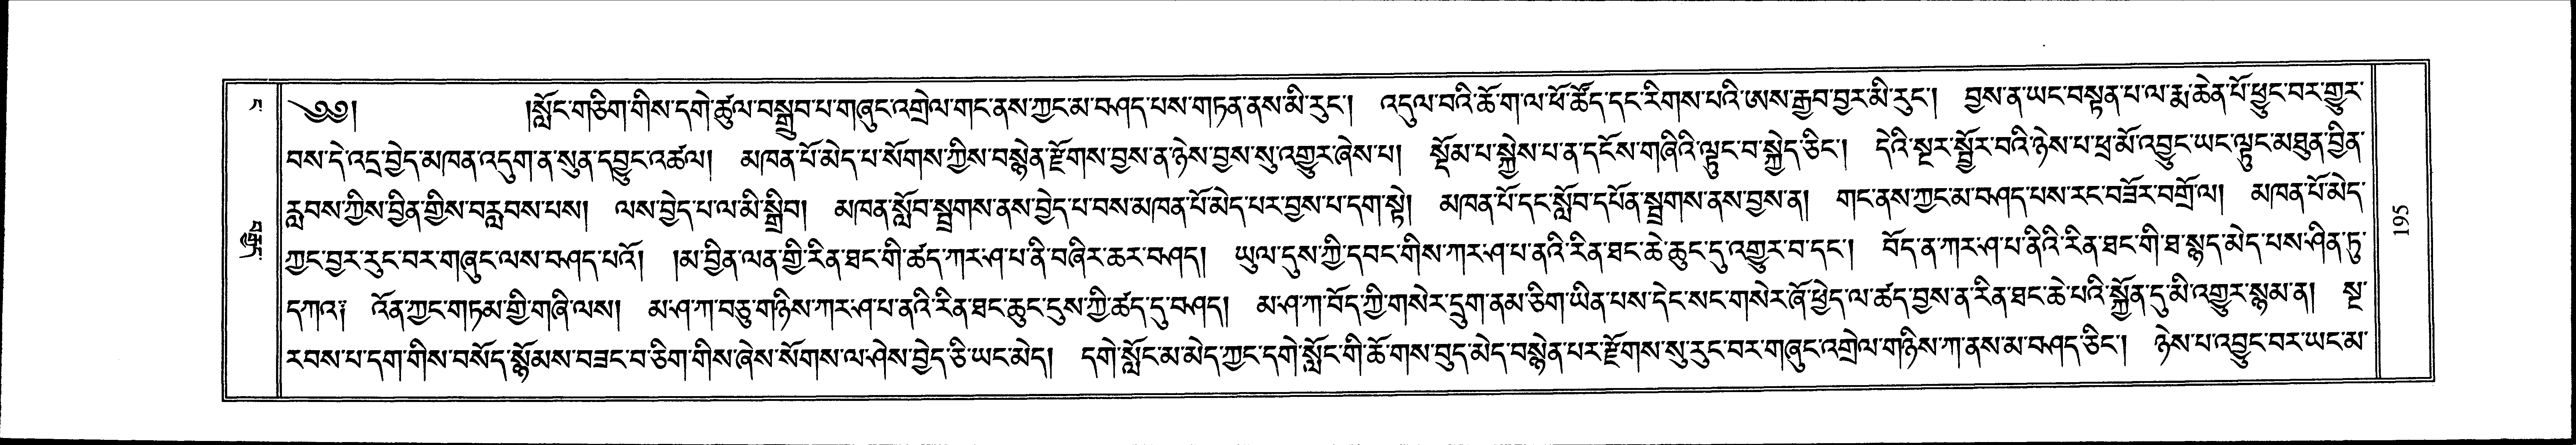༄༅། །སློང་གཅིག་གིས་དགེ་ཚུལ་བསྒྲུབ་པ་གཞུང་འགྲེལ་གང་ནས་ཀྱང་མ་བཤད་པས་གཏན་ནས་མི་རུང་། འདུལ་བའི་ཆོ་ག་ལ་ཕོ་ཚོད་དང་རིགས་པའི་ཨས་རྒྱབ་བྱར་མི་རུང་། བྱས་ན་ཡང་བསྟན་པ་ལ་རྨ་ཆེན་པོ་ཕྱུང་བར་གྱུར་
བས་དེ་འདྲ་བྱེད་མཁན་འདུག་ན་སུན་དབྱུང་འཚལ། མཁན་པོ་མེད་པ་སོགས་ཀྱིས་བསྙེན་རྫོགས་བྱས་ན་ཉེས་བྱས་སུ་འགྱུར་ཞེས་པ། སྡོམ་པ་སྐྱེས་པ་ན་དངོས་གཞིའི་ལྟུང་བ་སྐྱེད་ཅིང་། དེའི་སྔར་སྦྱོར་བའི་ཉེས་པ་ཕྲ་མོ་འབྱུང་ཡང་ལྟུང་མཐུན་བྱིན་
རླབས་ཀྱིས་བྱིན་གྱིས་བརླབས་པས། ལས་བྱེད་པ་ལ་མི་སྒྲིབ། མཁན་སློབ་སྦྲགས་ནས་བྱེད་པ་བས་མཁན་པོ་མེད་པར་བྱས་པ་དག་སྟེ། མཁན་པོ་དང་སློབ་དཔོན་སྦྲགས་ནས་བྱས་ན། གང་ནས་ཀྱང་མ་བཤད་པས་རང་བཟོར་བགྲོ་ལ། མཁན་པོ་མེད་
ཀྱང་བྱར་རུང་བར་གཞུང་ལས་བཤད་པའོ། །མ་བྱིན་ལན་གྱི་རིན་ཐང་གི་ཚད་ཀར་ཤ་པ་ནི་བཞིར་ཆར་བཤད། ཡུལ་དུས་ཀྱི་དབང་གིས་ཀར་ཤ་པ་ནའི་རིན་ཐང་ཆེ་ཆུང་དུ་འགྱུར་བ་དང་། བོད་ན་ཀར་ཤ་པ་ནིའི་རིན་ཐང་གི་ཐ་སྙད་མེད་པས་ཤིན་ཏུ་
དཀའ། འོན་ཀྱང་གཏམ་གྱི་གཞི་ལས། མ་ཤ་ཀ་བཅུ་གཉིས་ཀར་ཤ་པ་ནའི་རིན་ཐང་ཆུང་ངུས་ཀྱི་ཚད་དུ་བཤད། མ་ཤ་ཀ་བོད་ཀྱི་གསེར་དྲུག་ནམ་ཅིག་ཡིན་པས་དེང་སང་གསེར་ཞོ་ཕྱེད་ལ་ཚད་བྱས་ན་རིན་ཐང་ཆེ་པའི་སྐྱོན་དུ་མི་འགྱུར་སྙམ་ན། སྔ་
རབས་པ་དག་གིས་བསོད་སྙོམས་བཟང་བ་ཅིག་གིས་ཞེས་སོགས་ལ་ཤེས་བྱེད་ཅི་ཡང་མེད། དགེ་སློང་མ་མེད་ཀྱང་དགེ་སློང་གི་ཆོ་གས་བུད་མེད་བསྙེན་པར་རྫོགས་སུ་རུང་བར་གཞུང་འགྲེལ་གཉིས་ཀ་ནས་མ་བཤད་ཅིང་། ཉེས་པ་འབྱུང་བར་ཡང་མ་